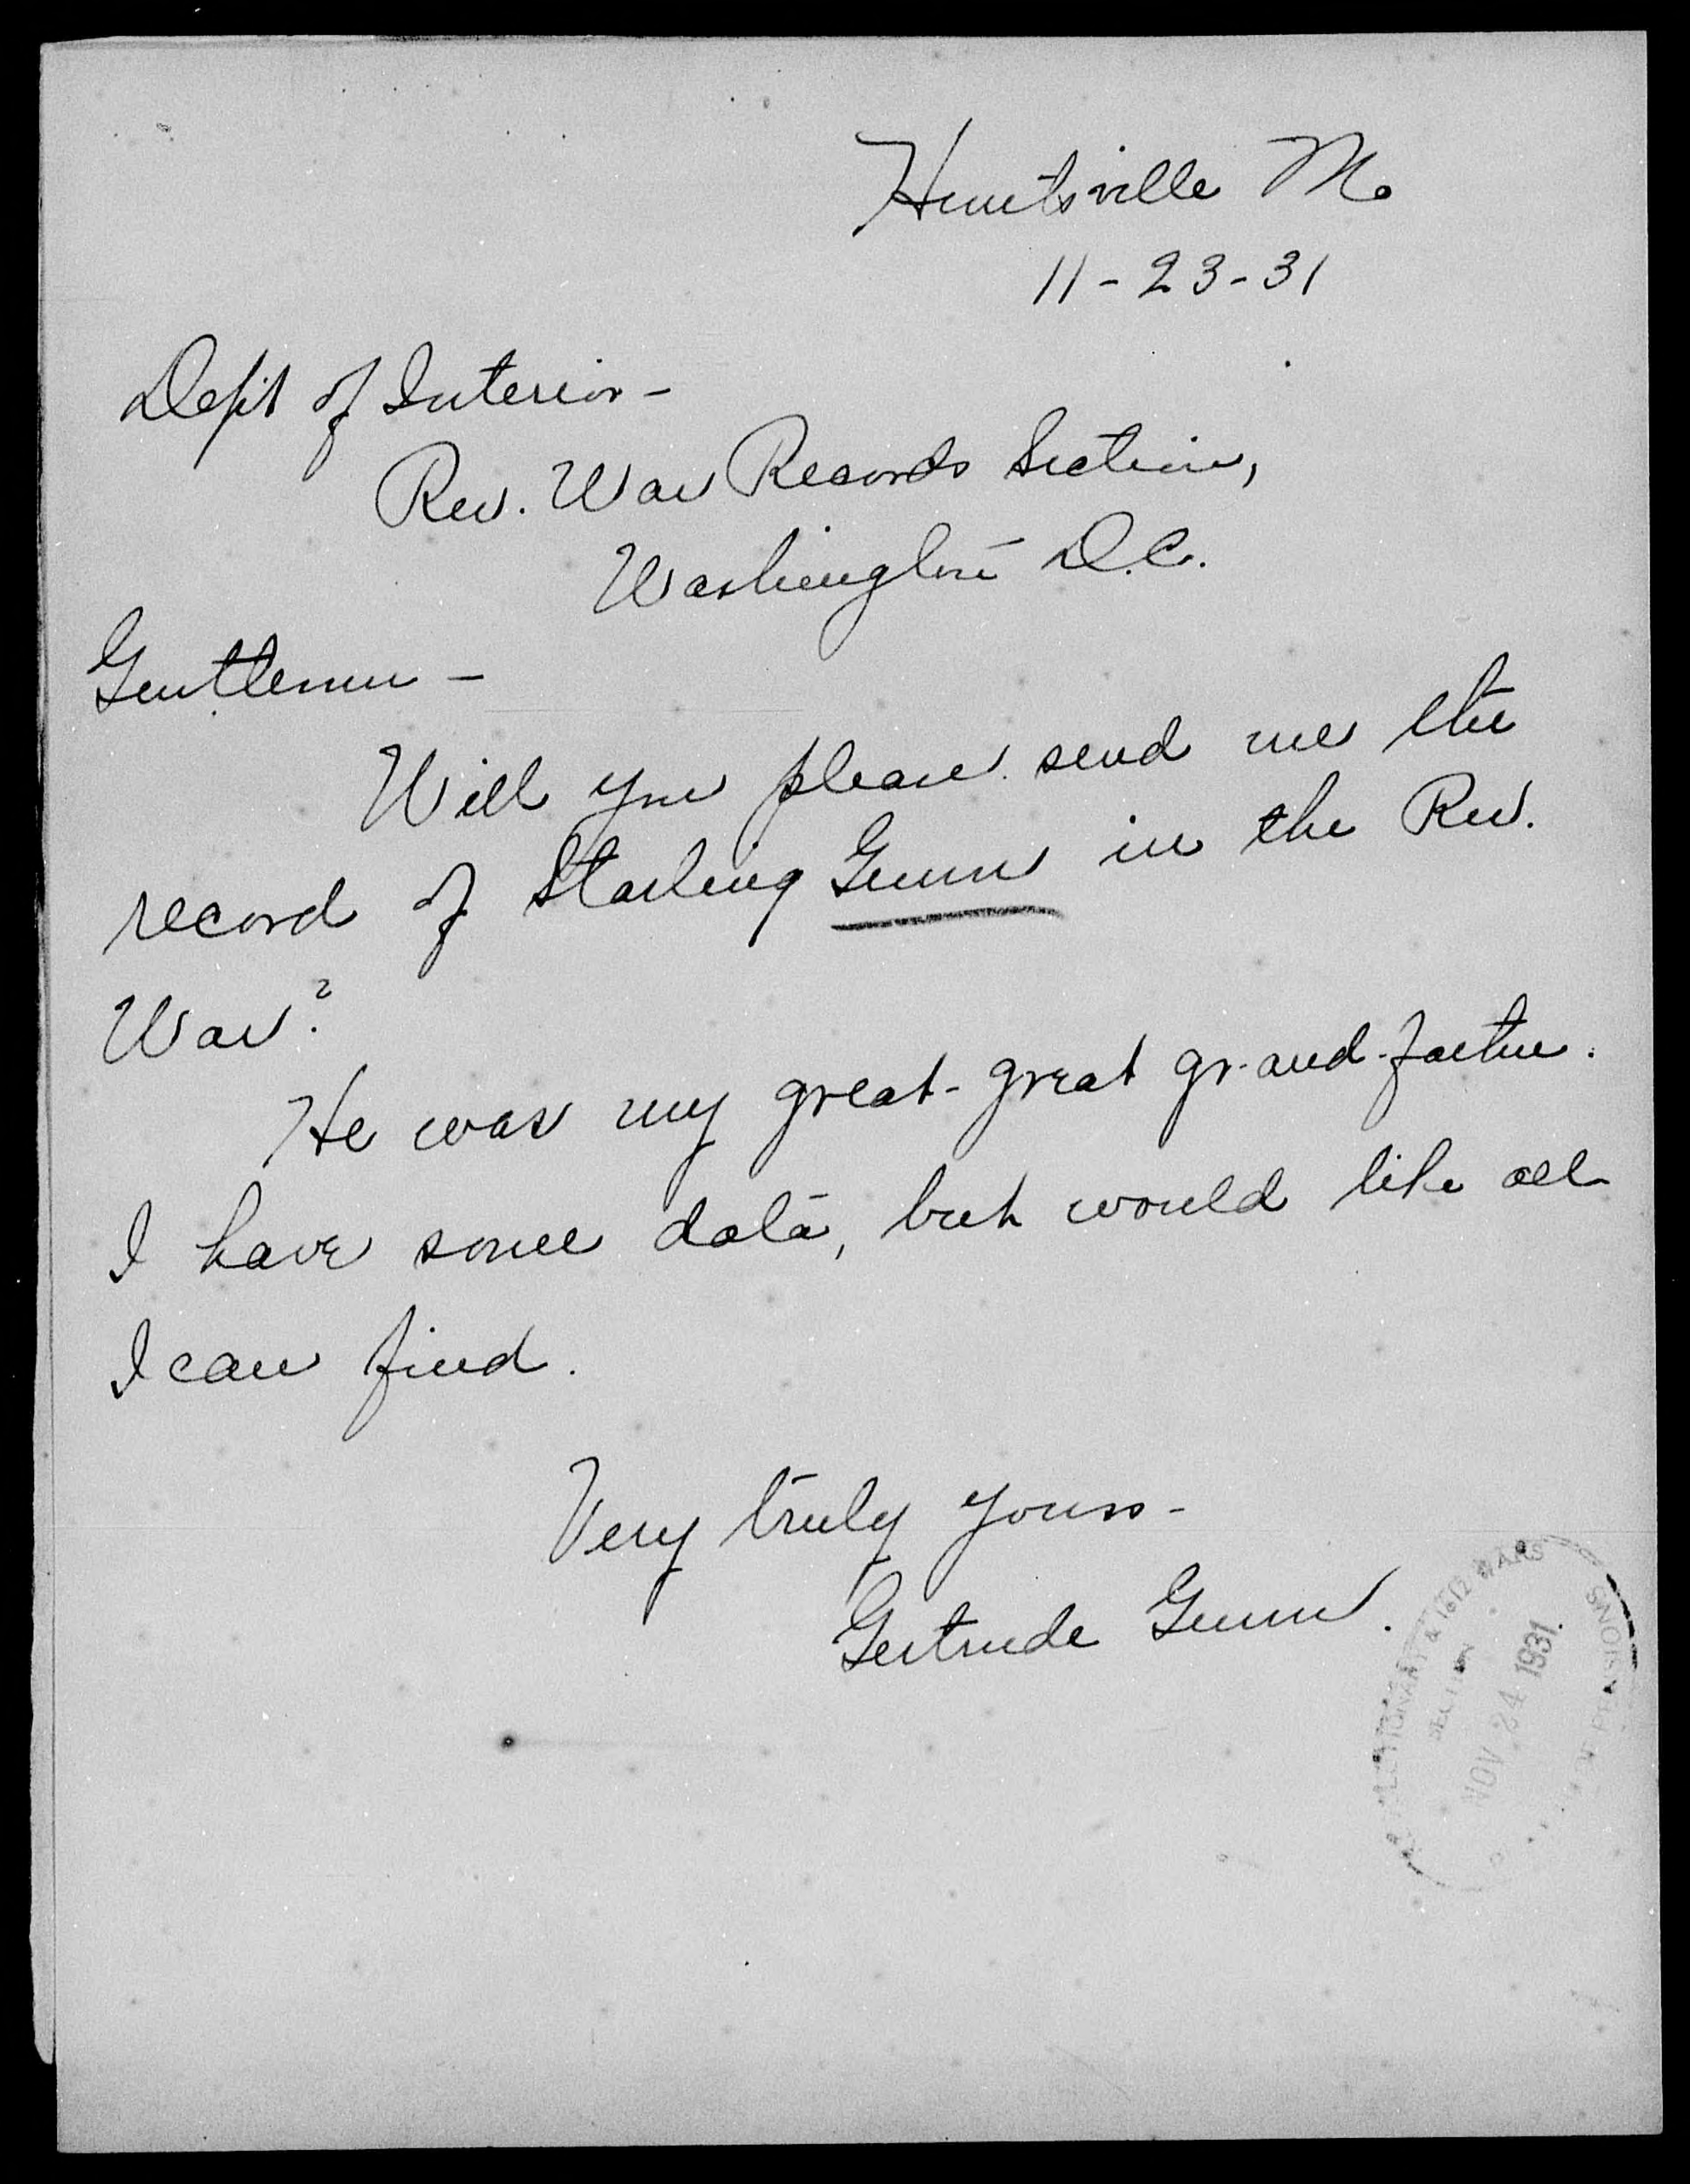Huntsville Mo  11-23-31
Dept of Interior.
Rev. War Records Section,
Washington, D.C.
Gentlemen-  Will you please send me the record of Starling Gunn in the Rev. War?
He was my great-great grand-father.  I have some data, but would like all I can find.
Very truly yours,
Gertrude Gunn.

[Stamp:]
REVOLUTIONARY & 1812 WARS SECTION
NOV 24  1931.
BUREAU OF PENSIONS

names: Starling Gunn, Gertrude Gunn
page: 39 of 58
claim: survivor's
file: S. 6,941, Starling Gunn, Continental Va.